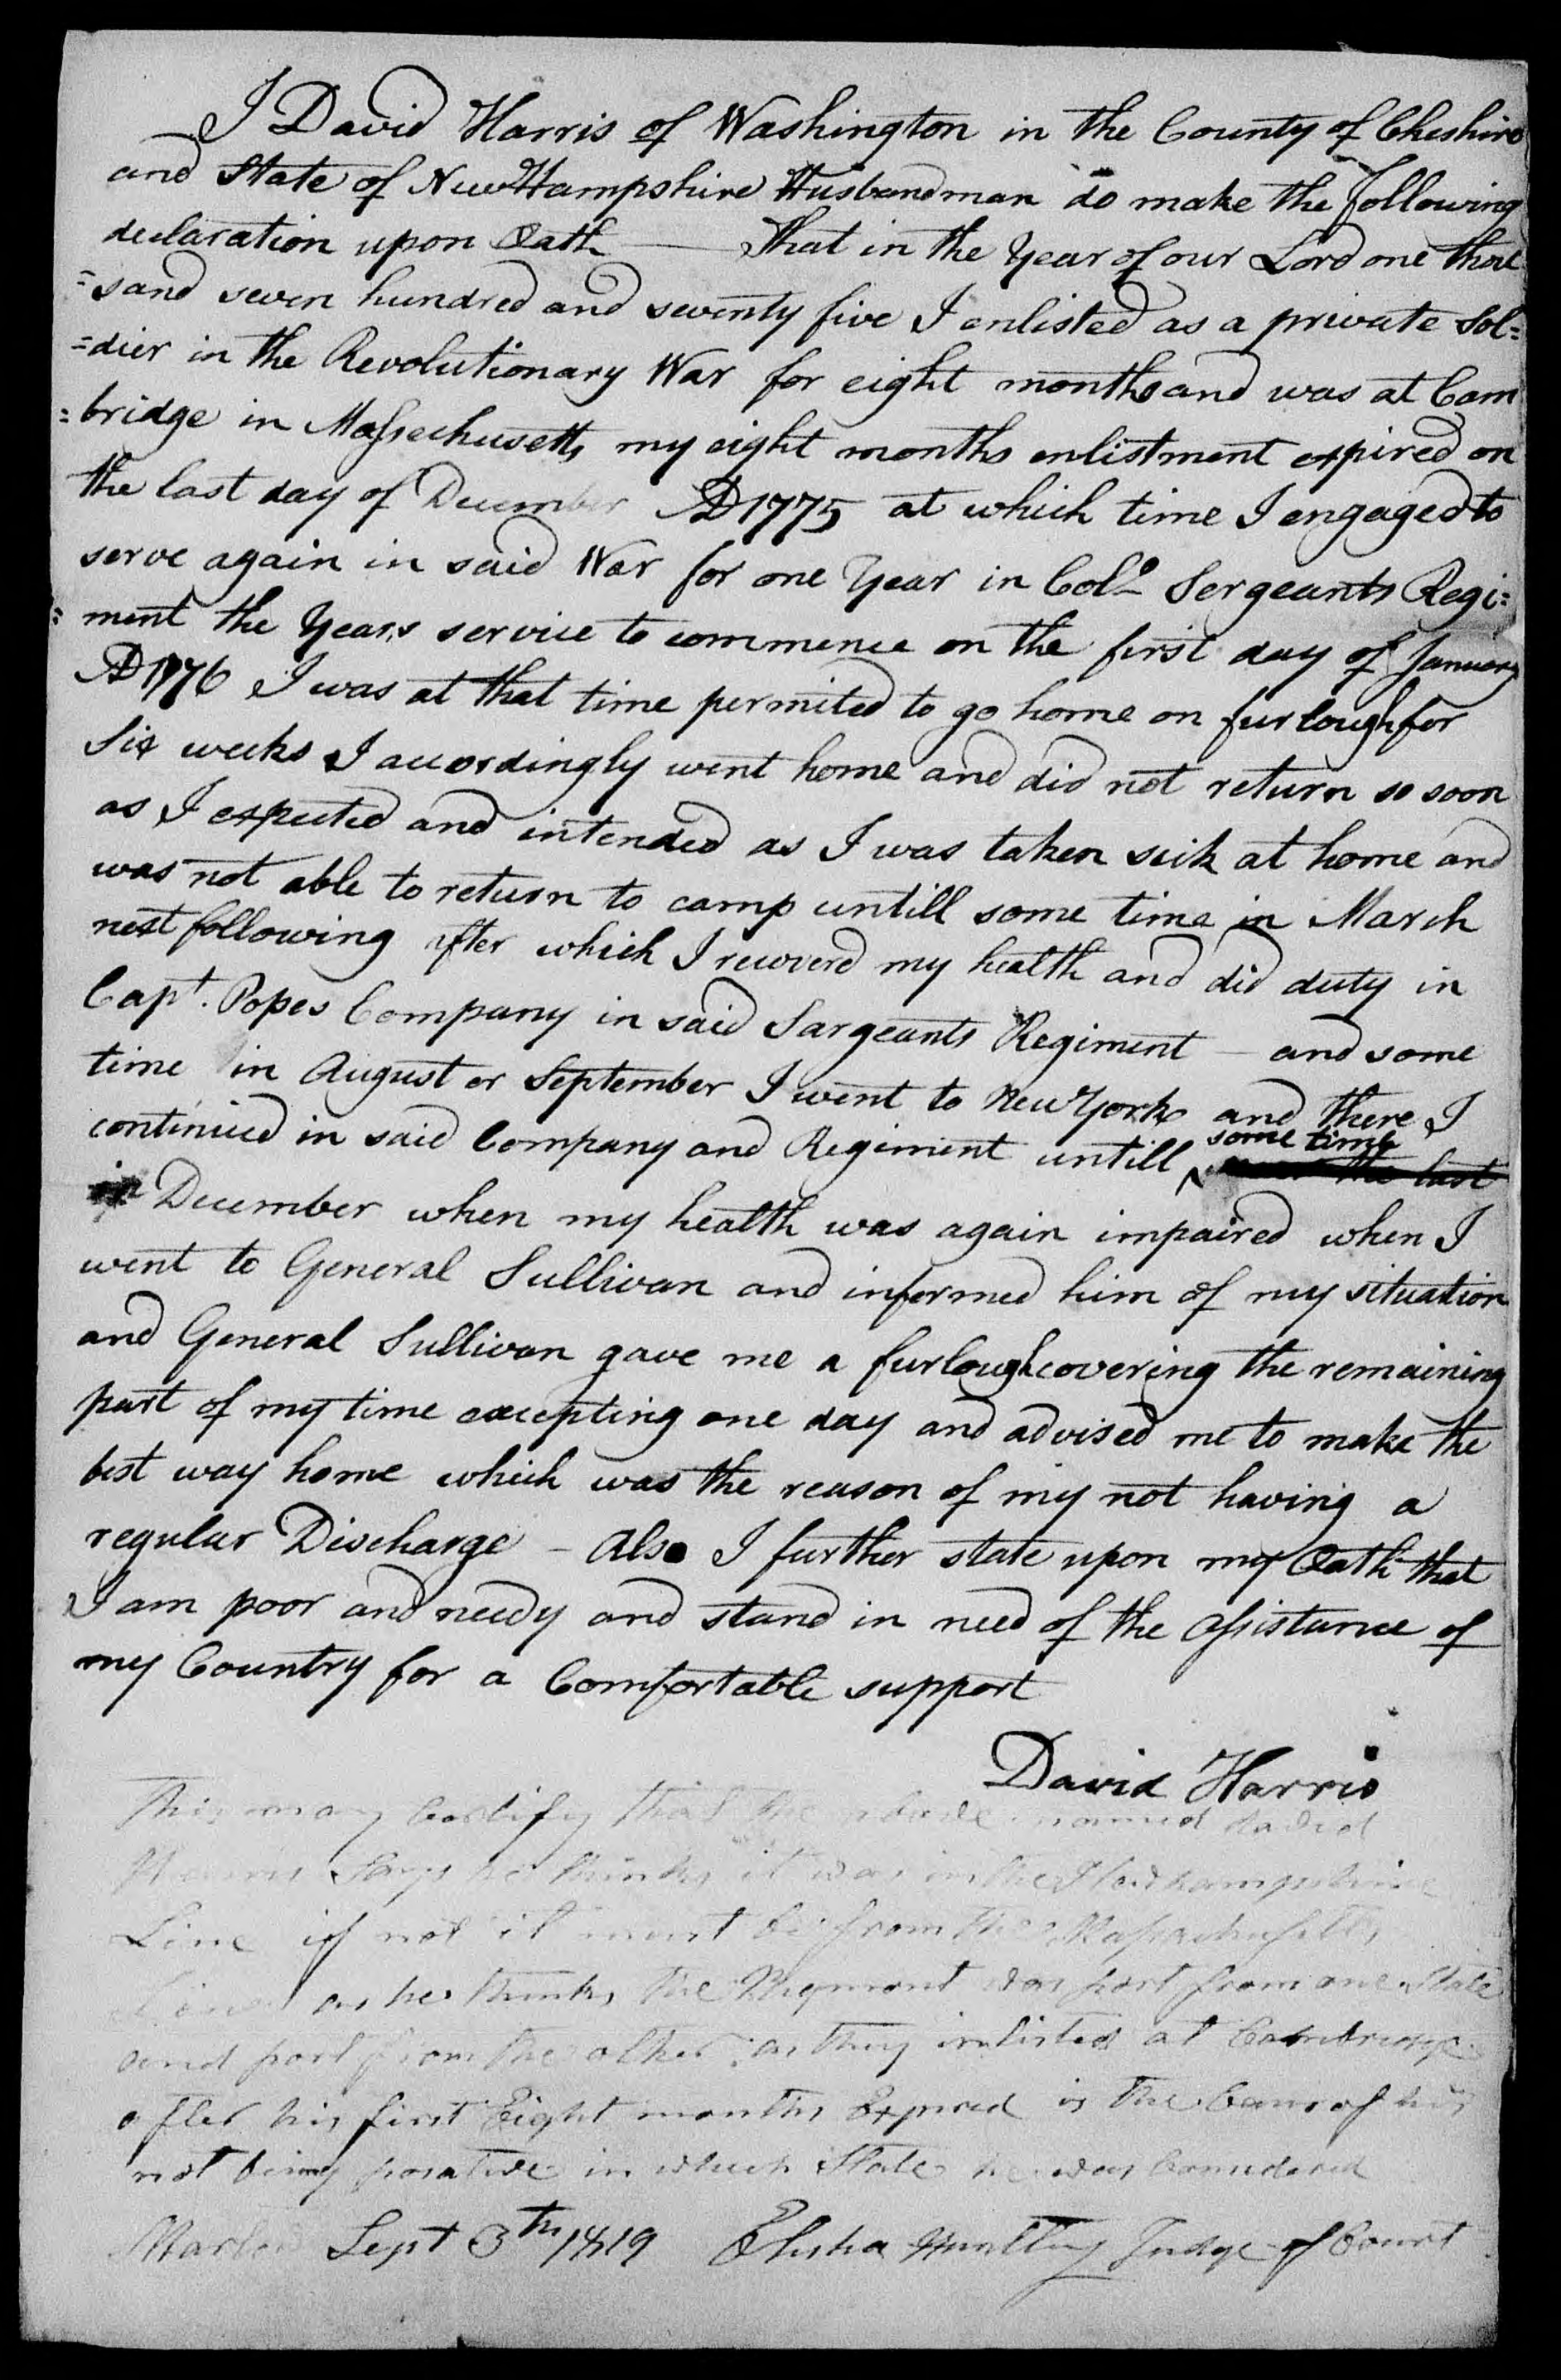I David Harris of Washington in the County of Chesire and State of New Hampshire Husbandman do make the following declaration upon Oath- That in the year of our Lord one thousand seven hundred and seventy five I enlisted as a private soldier in the Revolutionary War for eight months and was ay Cambridge in Massachusetts my eight months enlistment expired on the last day of December AD 1775 at which time I engaged to serve again in said War for one year in Col Sergeants Regimen the years service to commence on the first day of January AD 1776 I was at the time permitted to go home on furlough six weeks I accordingly went home and did not return so soon as I expected and intended as I was taken sick at home and was not able to return to camp untill (sic) some time in March next following after which I recovered my health and did duty in time in August or September I went to New York and there I continued in said Company and Regiment untill, some time in December when my health was again impaired when I went to General Sullivan and informed him of my situation and General Sullivan gave me a furlough covering the remaining part of my time accepting one day and advised me to make the best way home which was the reason of my not having regular Discharge-Also I further state upon my Oath that I am poor and needy and stand in need of the assistance of my Country for a Comfortable support.
(signature)
David Harris

This may certify that the above named David Harris says he thinks it was in New Hampshire Line if not it must be from the Massachusetts Line and he thinks, the Regiment was part of one state and part from the other. (illegible) enlisted at Cambridge after his first Eight months expired is the (illegible) of his not being positive in which State he was considered 
(illegible, looks like "Marked or Marched" Sept (illegible number) 1819

Elisha Huntley, Judge of Court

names: Sullivan, Sullivan, David Harris, David Harris, Elisha Huntley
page: 5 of 11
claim: survivor's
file: S. 44393, David Harris, Mass.